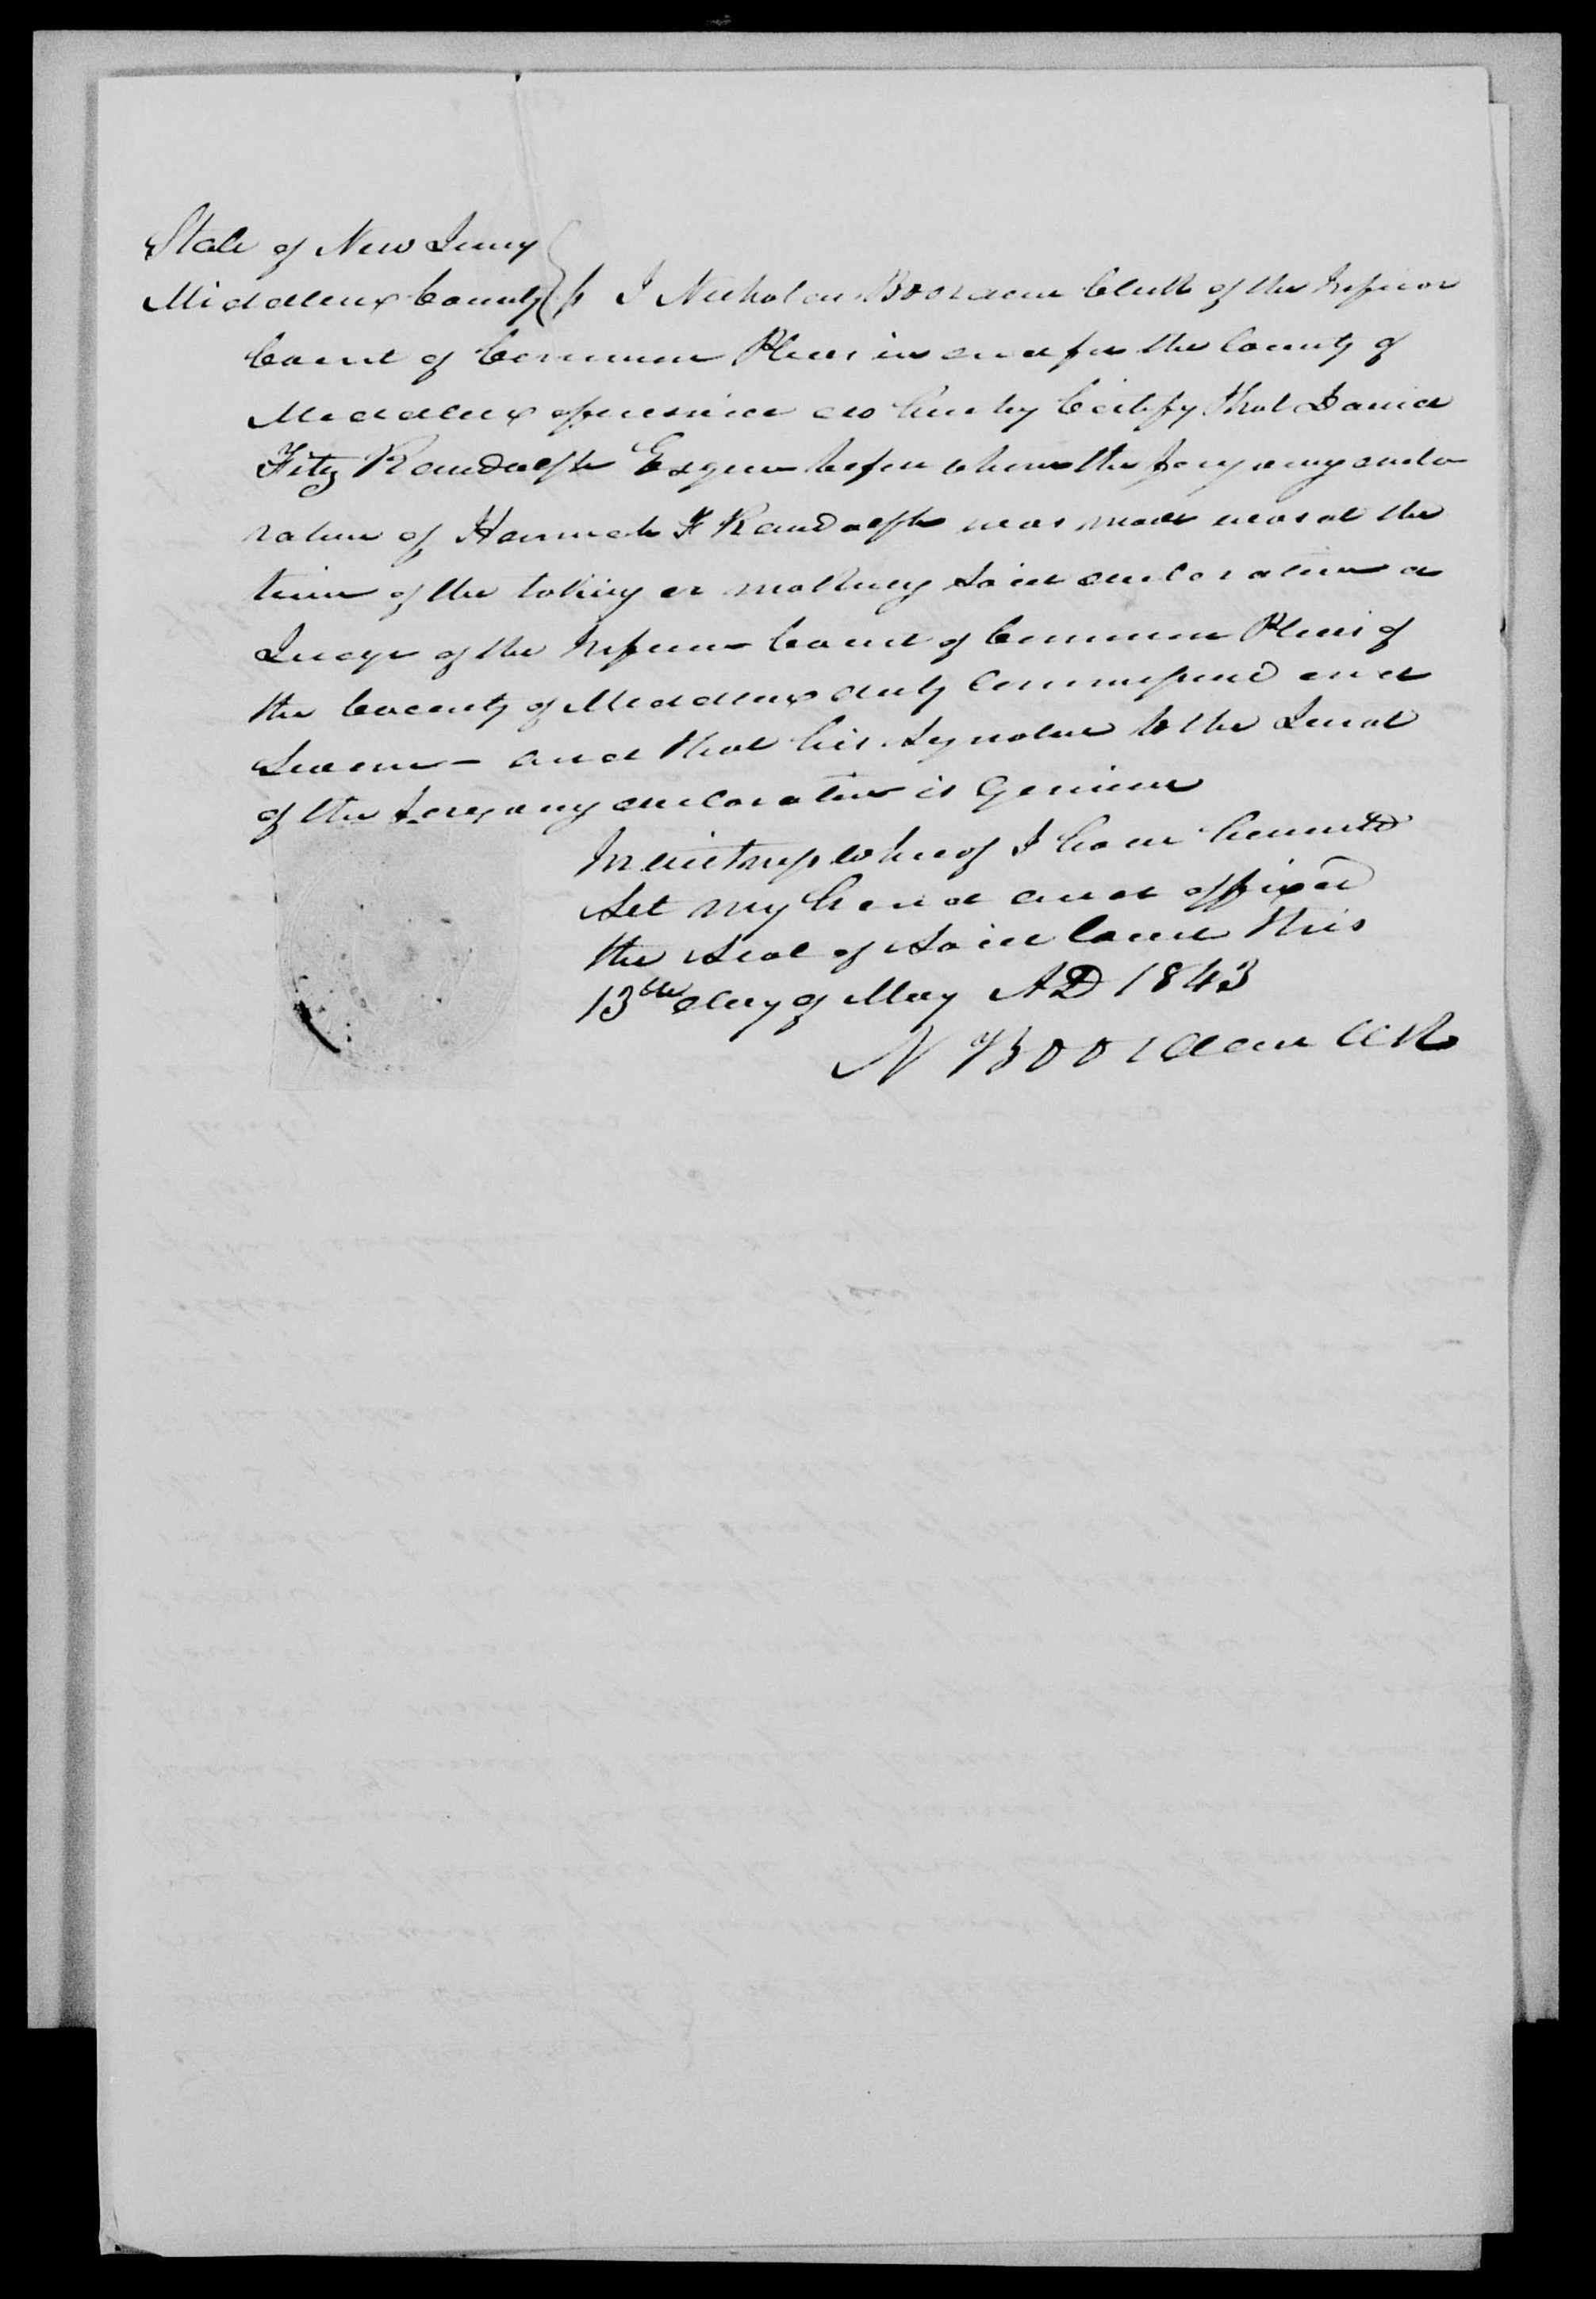State of New Jersey
Middlesex County
I Nicholas Booillecn Clerk of the Reficor Court of Common Pleas in and for the County of Middlesex
hereby certify that David Fity Randolph Esquire before whom the foregoing and rature of Hannah F Randolph was made was at the time of the taking or making said declaration as Judge of the before Court of Common Pleas of the County of Middens duly commissed and Seven and that his signature to the qual of the day any enclaration is Genuine In witness whereof I have hereunto set my hand and affixed the seal of said land this 13th day of May AD 1843 Booillecn CCR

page: 27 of 33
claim: widow's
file: W. 5,665, for Stelle F Randolph, New Jersey